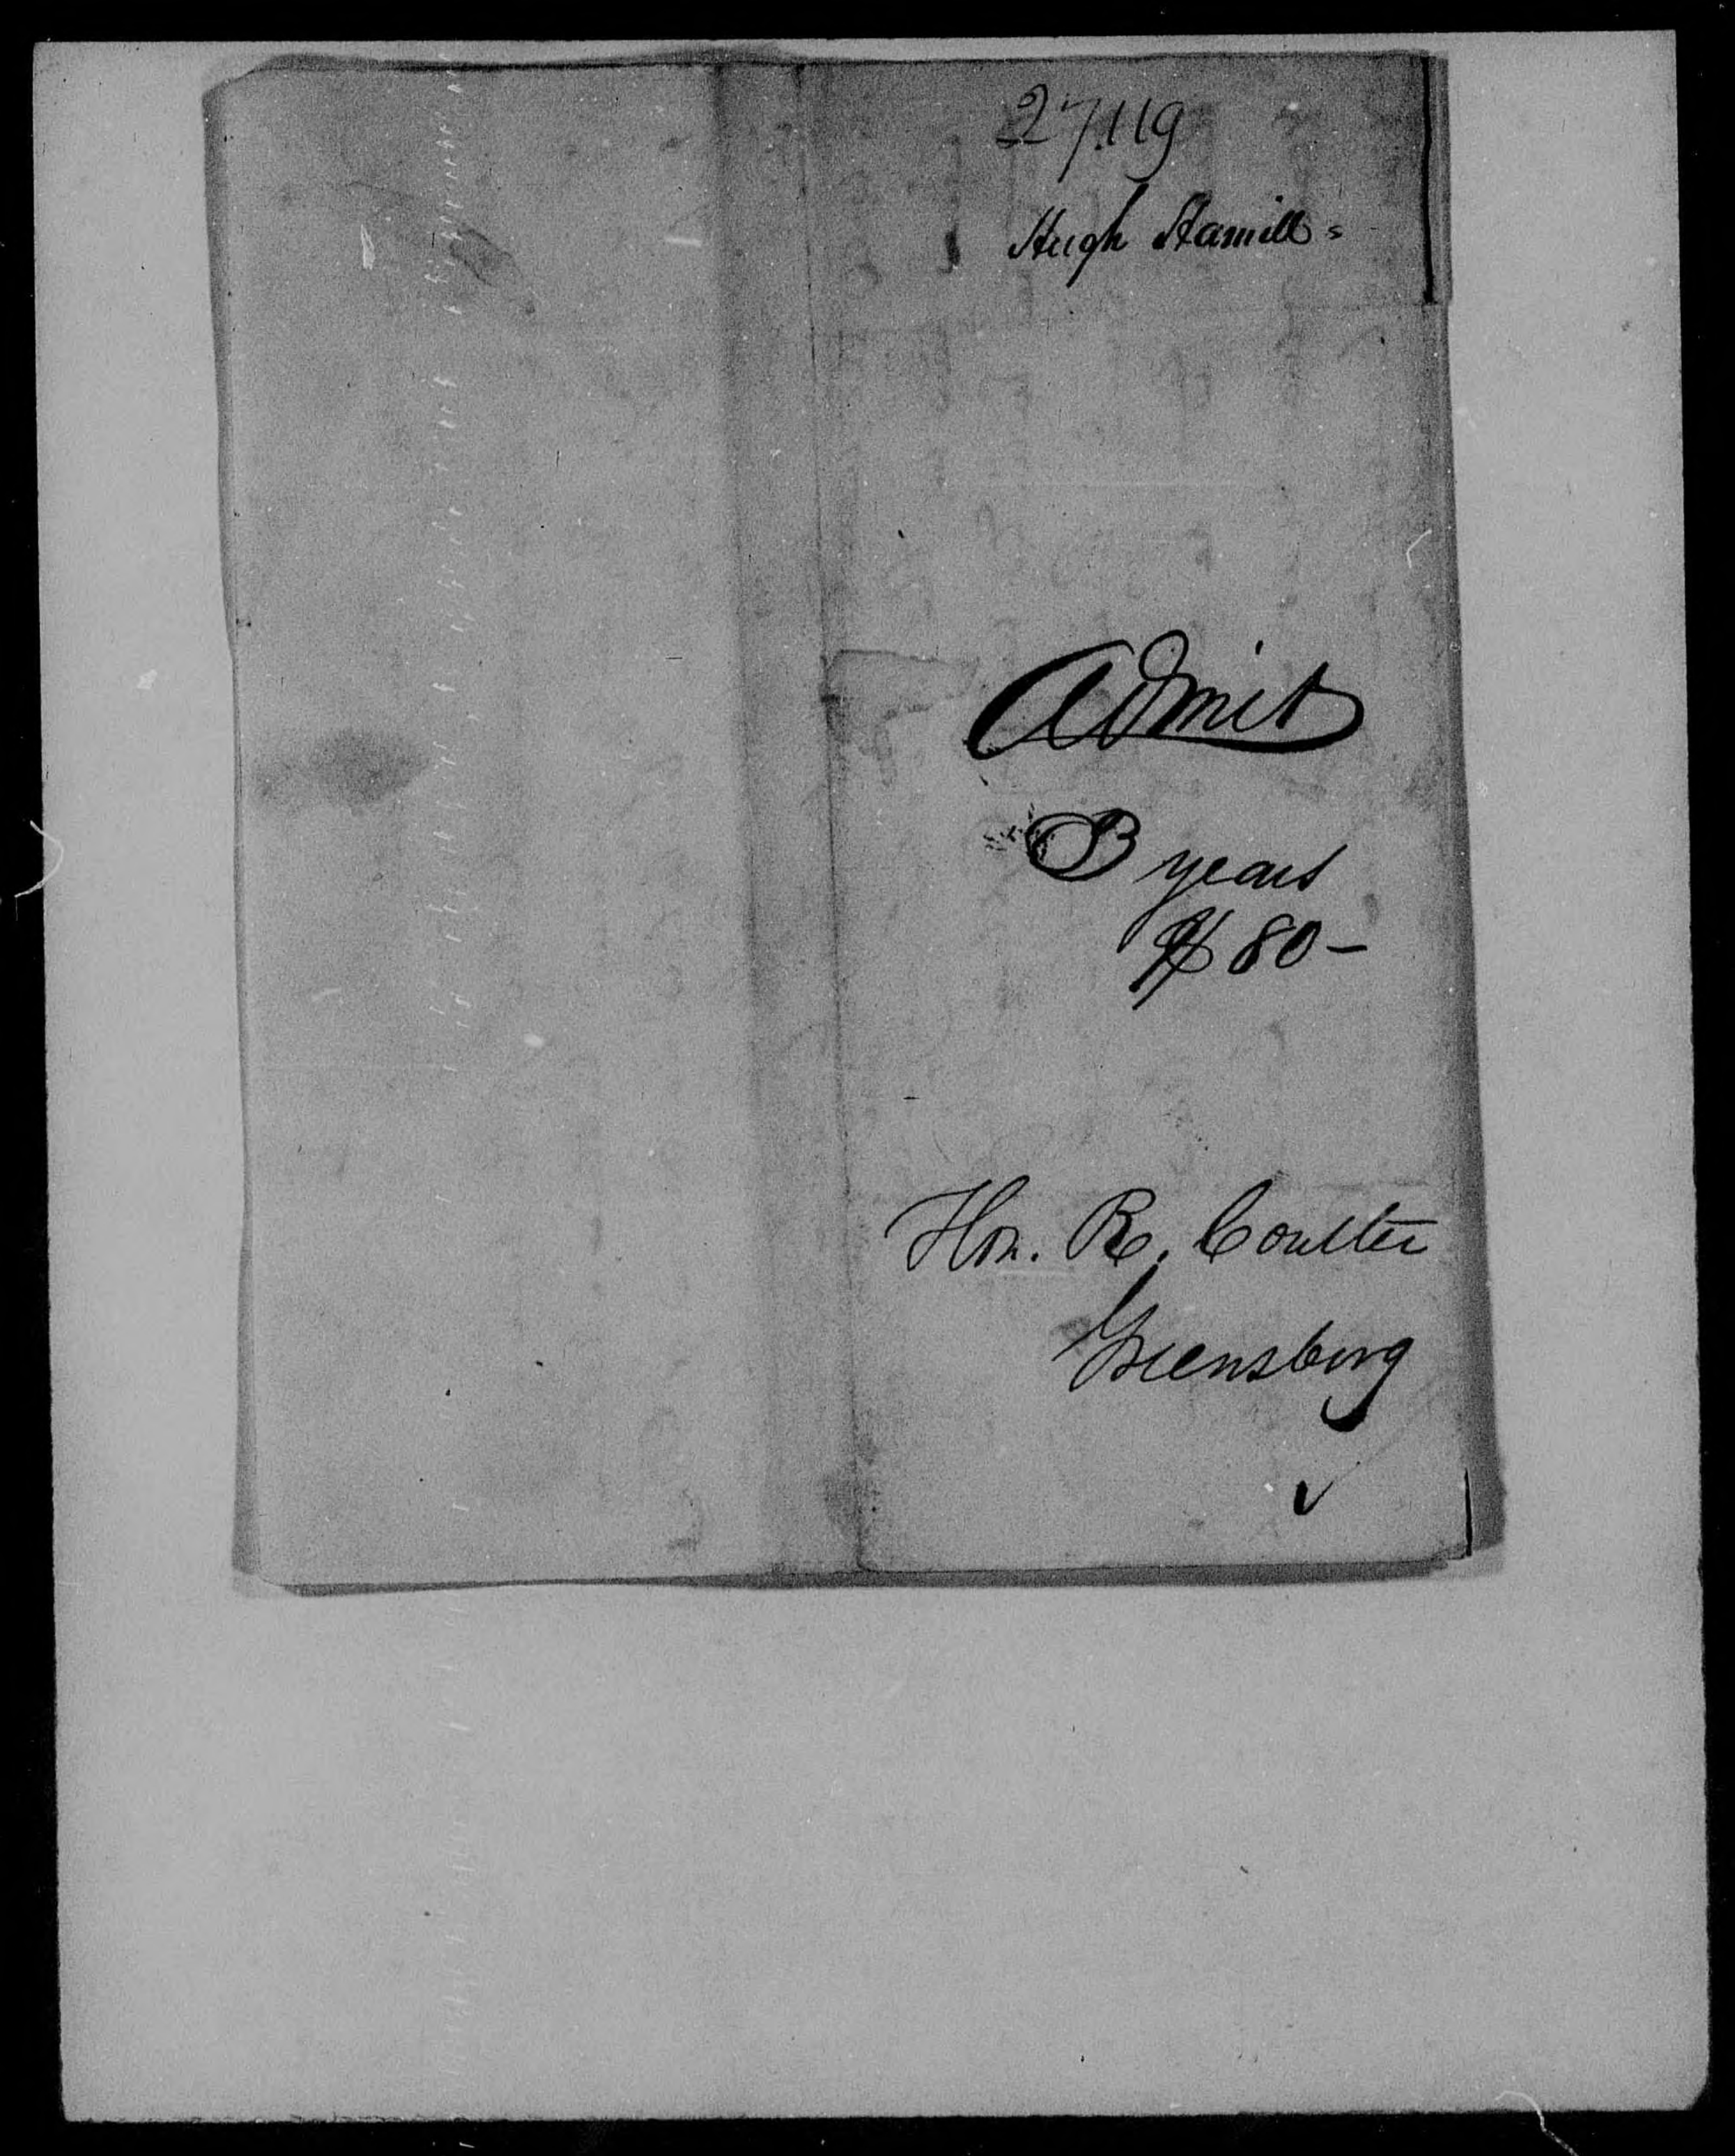27119
Hugh Hamill
Admit
3 years
$80-
Hon. R. Coulter
Greensburg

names: Hugh Hamill, R Coutler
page: 80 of 92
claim: widow's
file: W 1173, Robert Hamill, Penn.